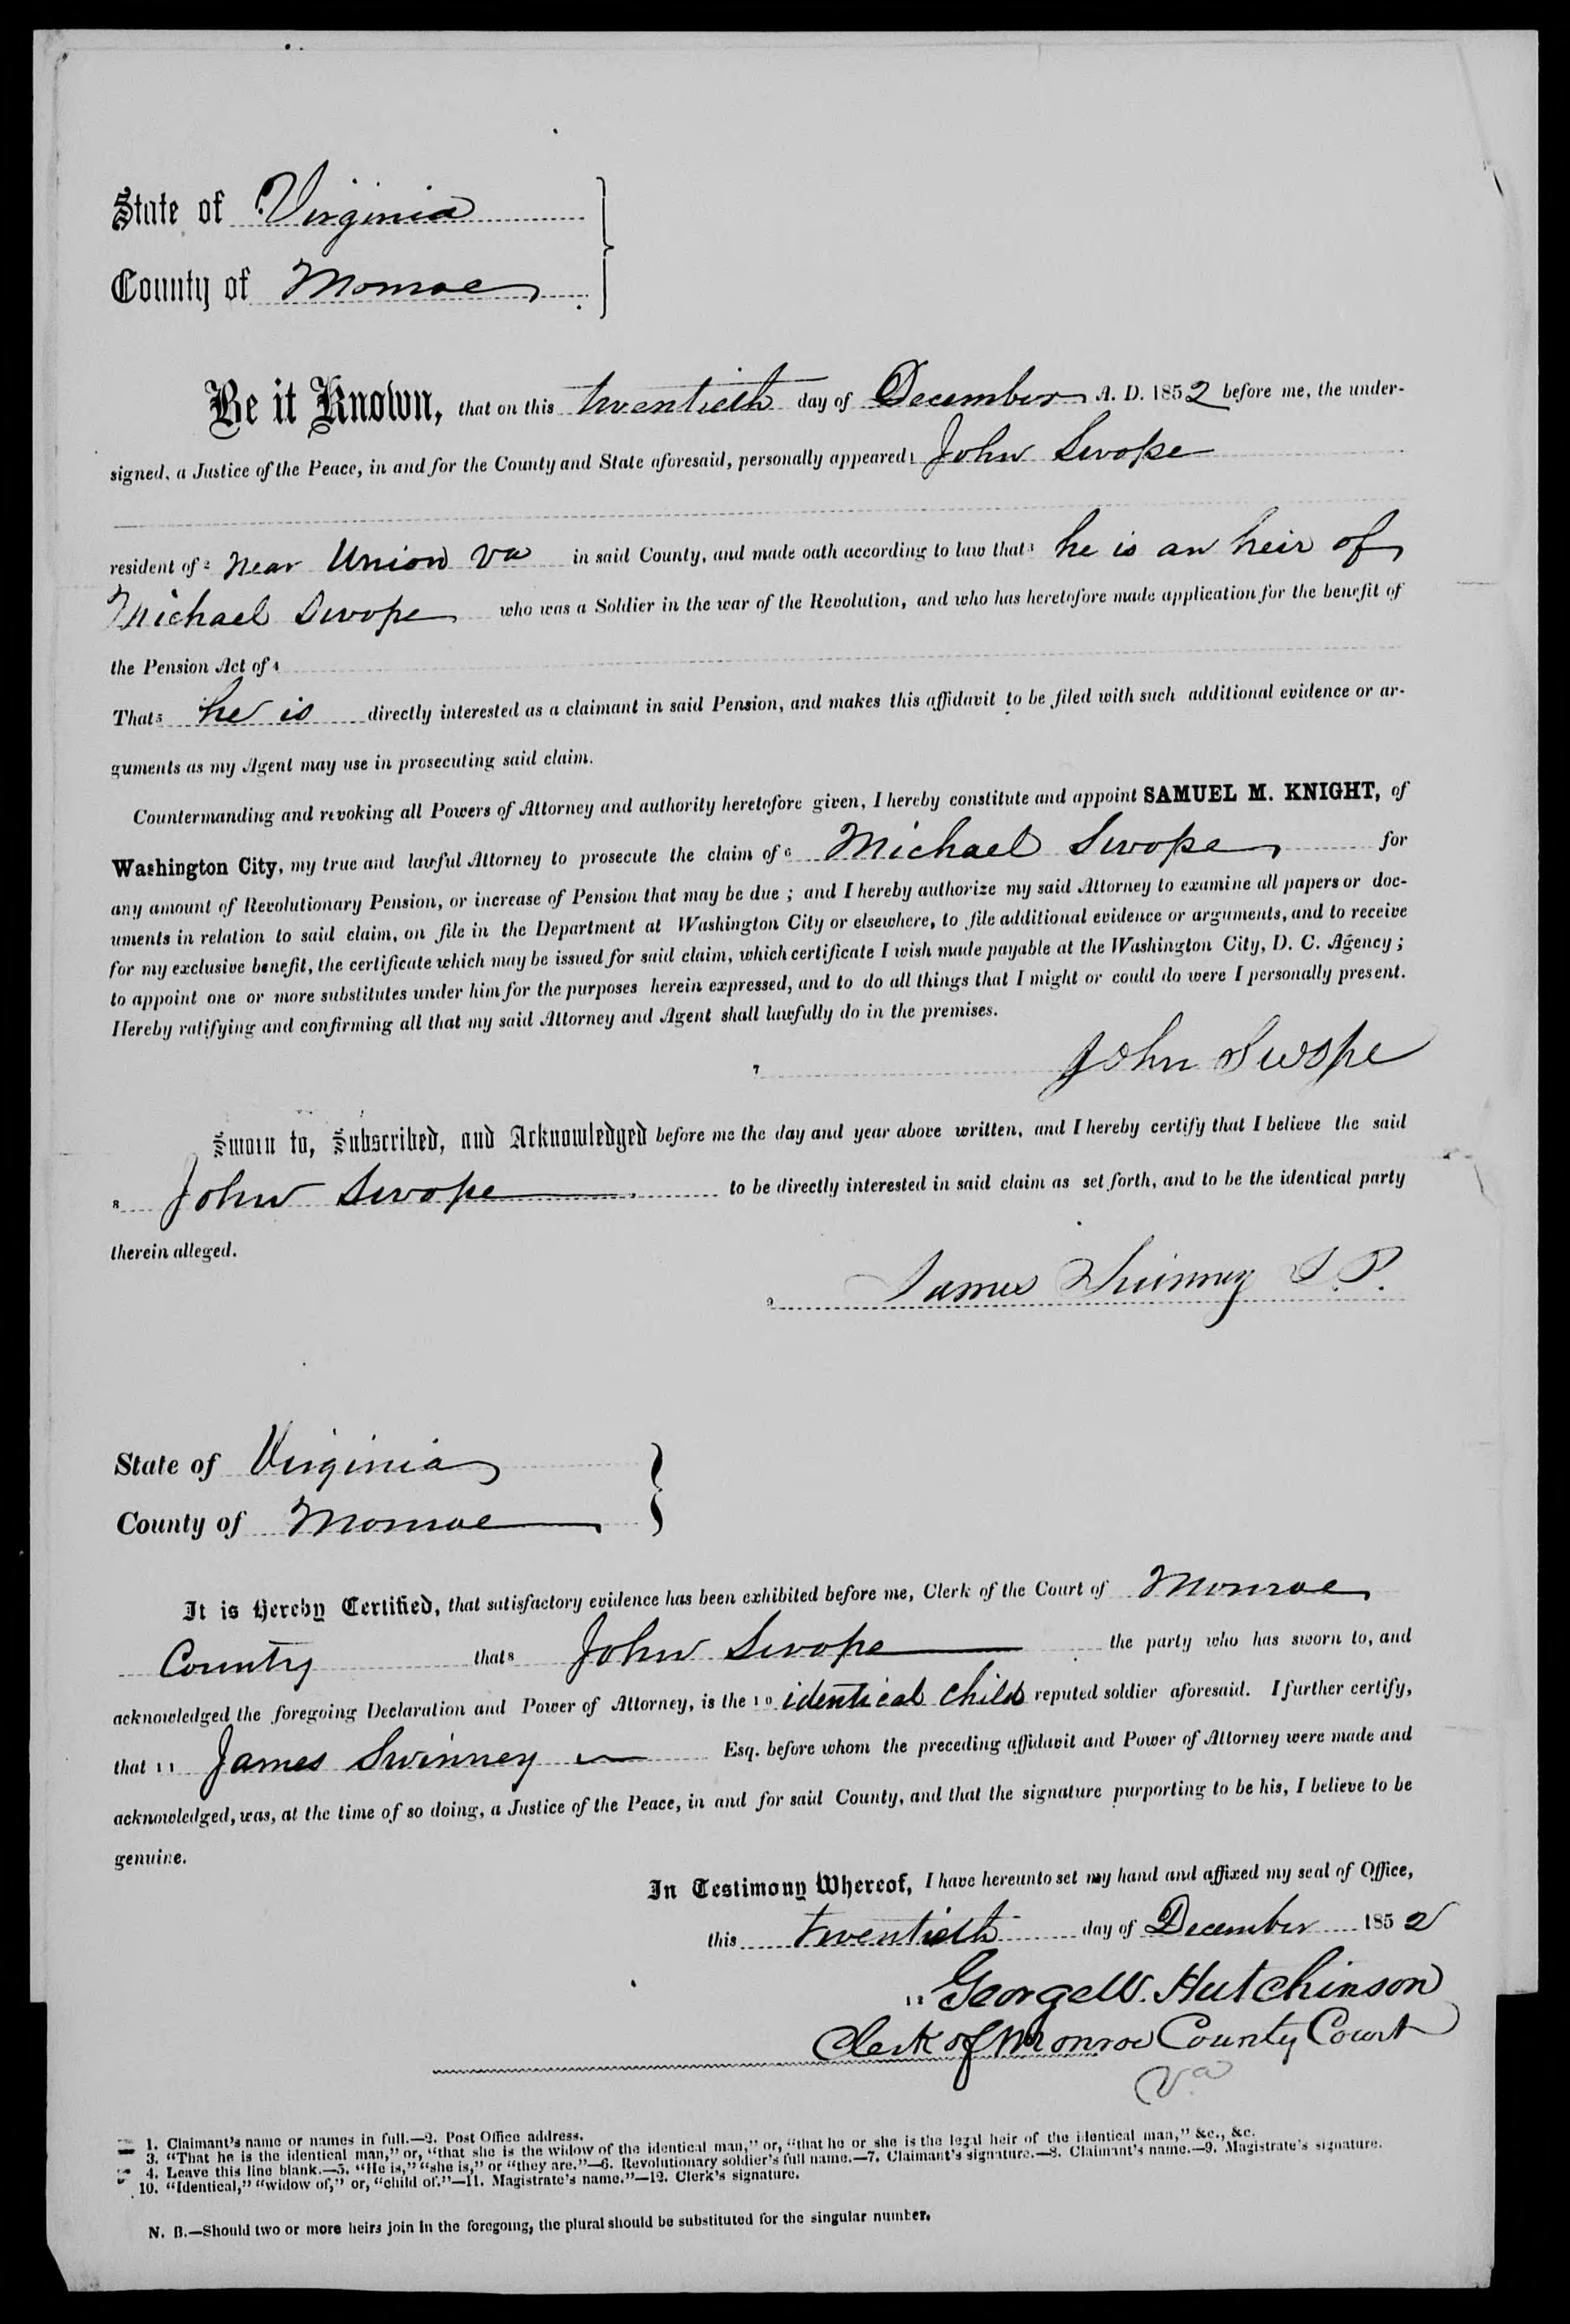State of Virginia
County of Monroe
Be it Known, that on this twentieth day of December A.D. 1852 before me, the under
signed, a Justice of the Peace, in and for the County and State aforesaid, personally appeared John Swope
resident of Near Union Va in said County, and made oath according to that he is an heir of
Michael Swope who was a Soldier in the war of the Revolution, and who has heretofore made application for the best of
the Pension Act of
That he is directly interested as a claimant in said Pension, and makes this affidavit to be filled with such additional evidence or arguments as my Agent may use in prosecuting said claim
Countermanding and revoking all Power of Attorney and authority here in
Washington City, my true and lawful Attorney to prosecute the claim of Michael Swope
for
any amount of Revolutionary Pension, or increase of Pension that may be due; and I hereby authorize my said Attorney to examine all papers or documents
in relation to said claim, on file in the Department at Washington City or elsewhere, to file additional evidence or argument, and receive
for my exclusive benefit the certificate which may be issued for said claim, which certificate I wish made payable at the Washington City, 
D. C. Agency;
to appoint one or more substitutes under him 
for the purposes herein expressed, and to do all things that I might or could do were I personally present . Hereby ratifying and confirming all that my said Attorney and Agent shall lawfully do in the premises. 
John Swope [signature]

Sworn to, subscribed, and Acknowledged before me the day and year above written, and I hereby certify that I believe the said
John Swope
to be directly interested in said claim as set forth, and to be the identical party
therein alleged.
James Swinney J. P.
-
State of Virginia
County of Monroe
It is Hereby Certified, that satisfactory evidence has been exhibited before me, Clerk of the court of  Monroe, County that John Swope
the party who has sworn to, and
acknowledged the foregoing Declaration and Power of Attorney, is the identical child reputed soldier aforesaid. I further certify, that, 
James Swinney Esq, before whom the preceding affidavit and Power of Attorney were made and
acknowledged, was, at the time of so doing, a Justice of the Peace, in and for said County, and that the signature purporting to his believe to be
genuine.
In Testimony Whereof, I have hereunto set my hand and affixed my seal of Office
this twentieth day of December 1852
George W. Hutchinson
Clerk of Monroe County Court
Va
Green in
10. "Identical," "widow of," or,
"child of." -- II. Magistrate's name." -- 12. Clerk's signature.
N.
-- Should two or more heirs join in the foregoing, the plural should be substituted for the singular number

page: 12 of 16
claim: rejected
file: R 10366, for Michael Swope, Virginia